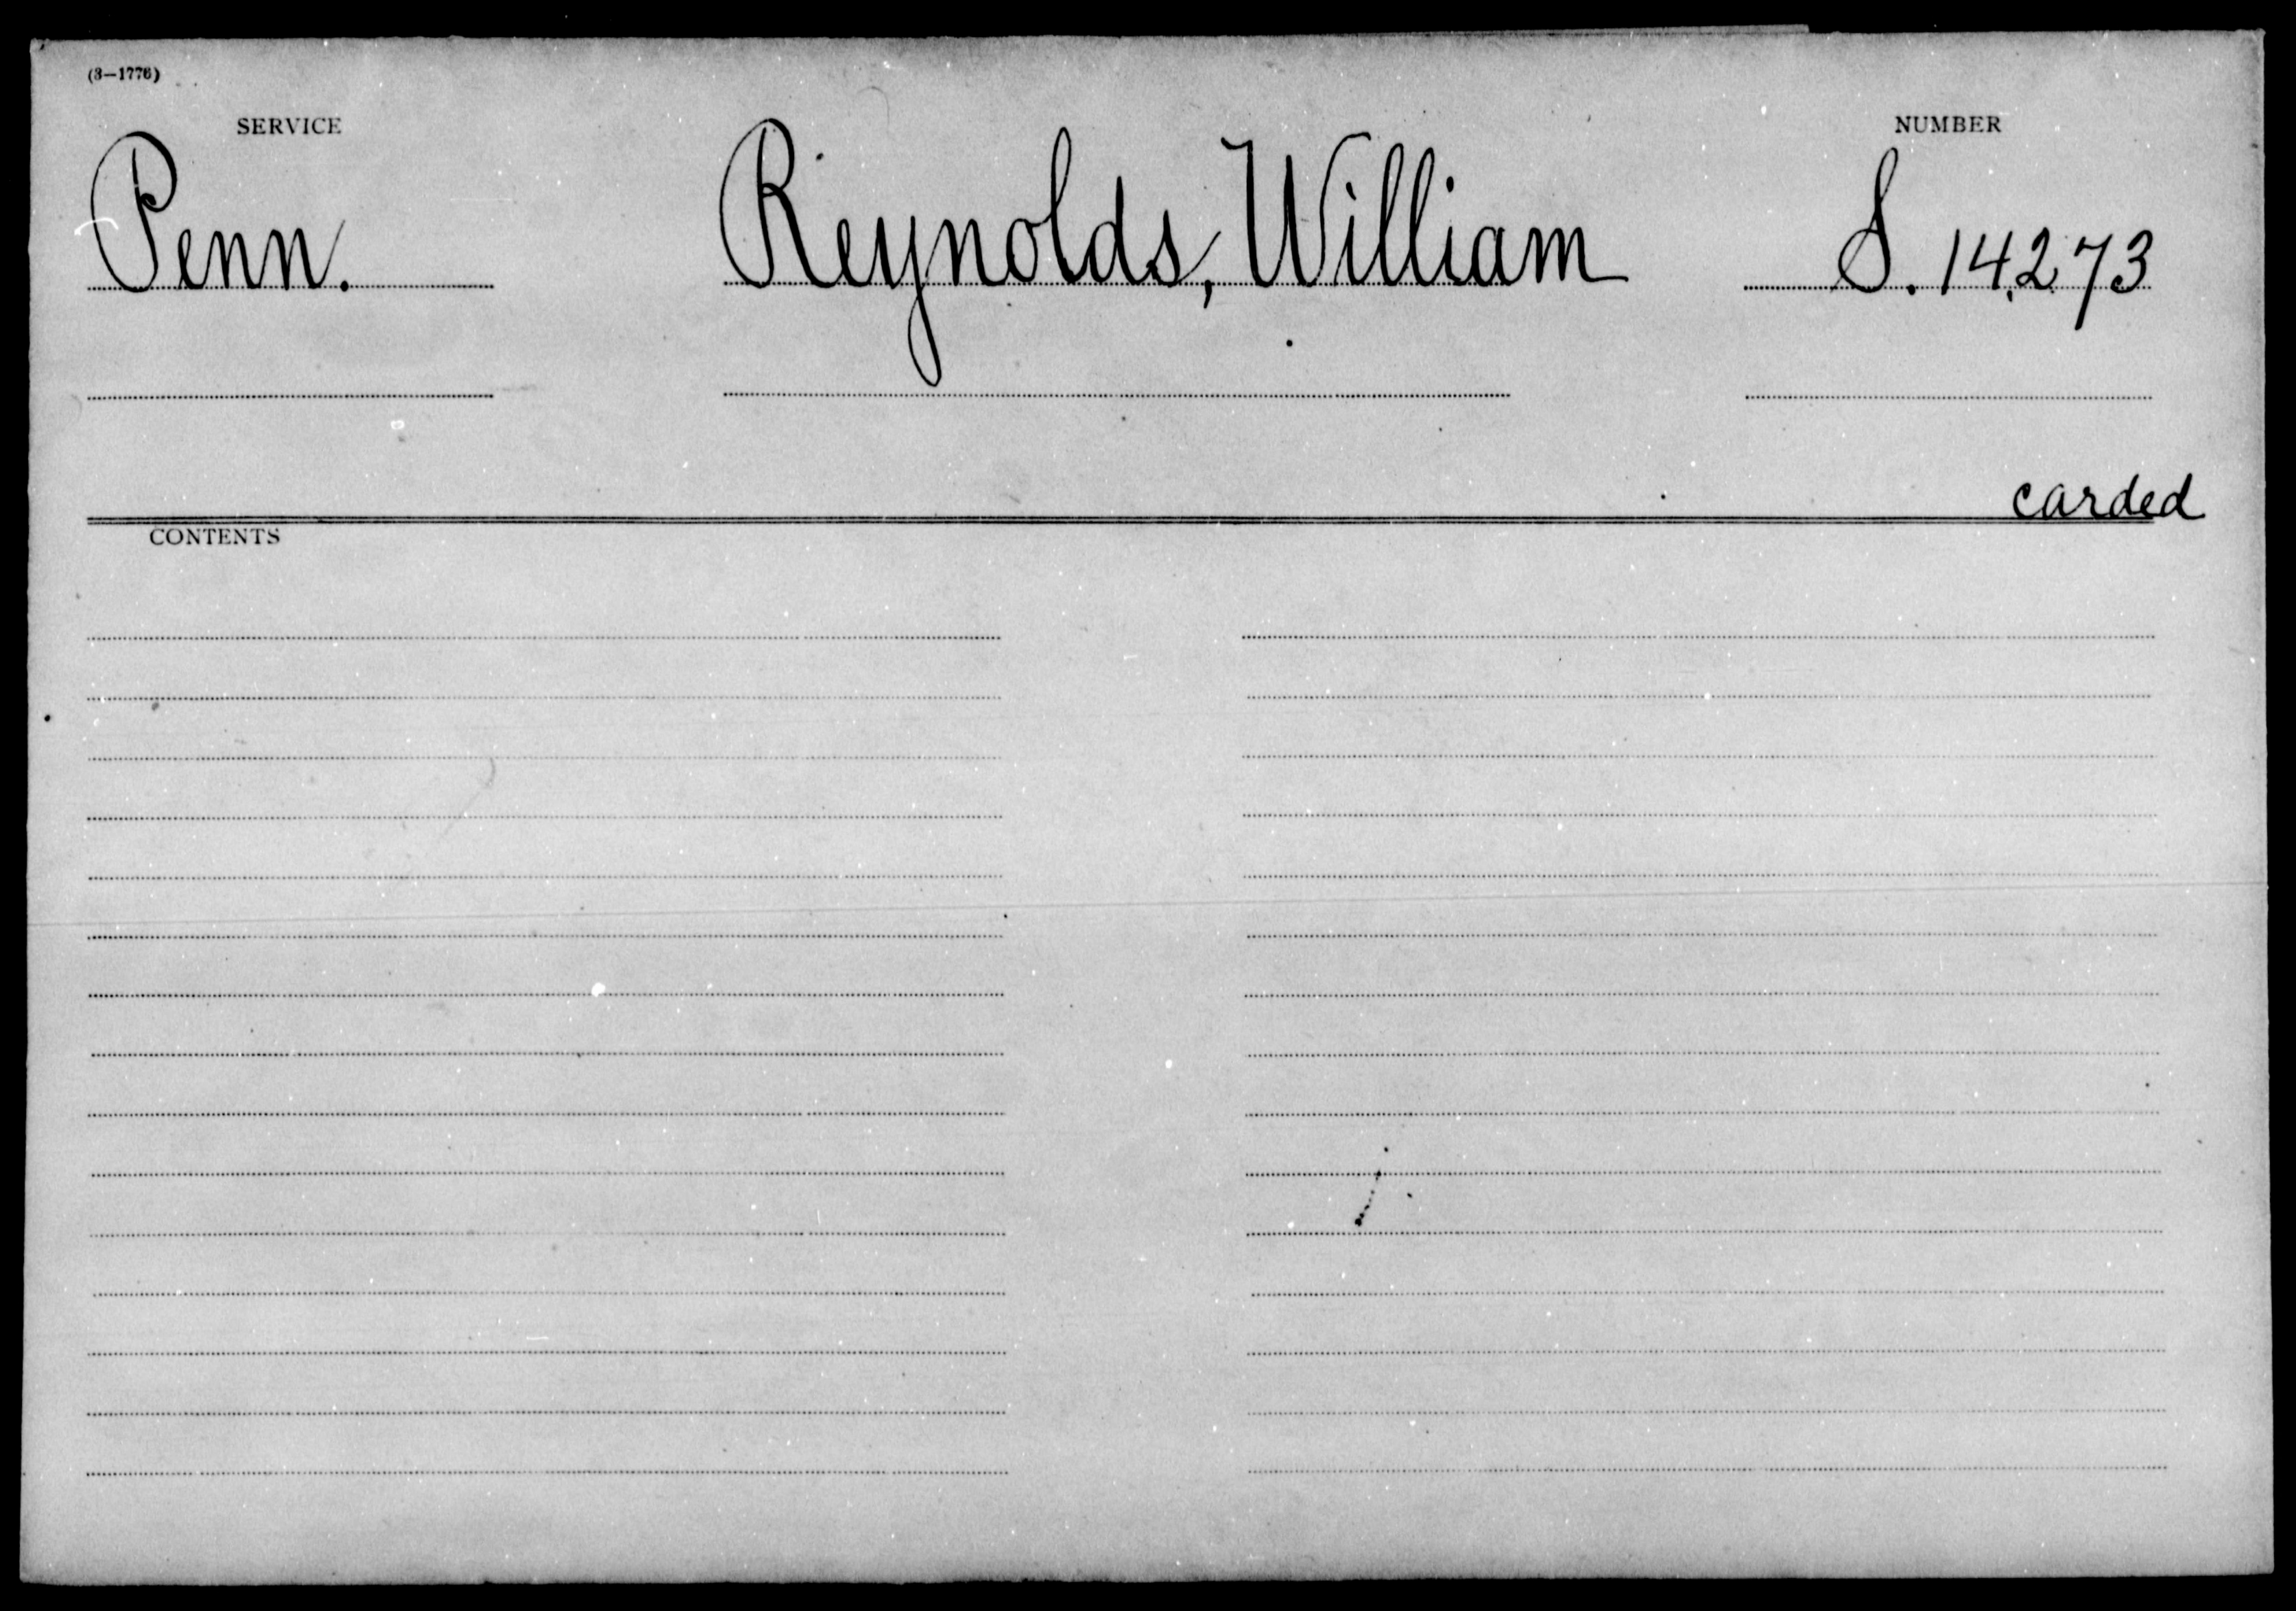Penn.

Reynolds, William

S. 14,273

carded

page: 1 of 19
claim: survivor's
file: S. 14,273, for William Reynolds, Pennsylvania